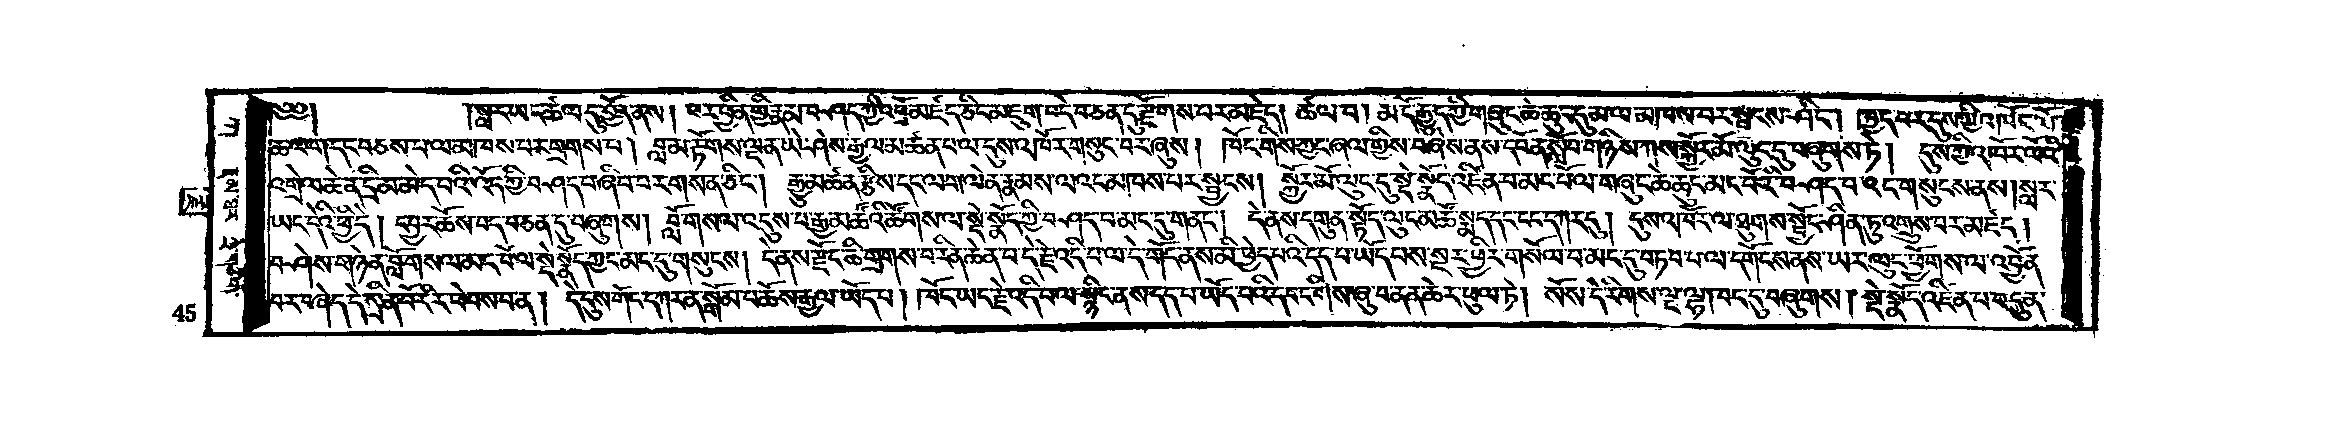༄༅། །སླར་ཡང་ཚལ་དུ་བྱོན་ནས། ཕར་ཕྱིན་གྱི་རྣམ་བཤད་ཀྱི་འཕྲོ་མཛད་ཅིང་མཇུག་བདེ་བ་ཅན་དུ་རྫོགས་པར་མཛེད། ཚལ་བ། མདོ་རྒྱུད་ཀྱི་གཞུང་ཆེ་ཆུང་དུ་མ་ལ་མཁས་པར་སྤངས་ཤིང་། ཁྱད་པར་དུས་ཀྱི་འཁོར་ལོ་
ཆ་ལག་དང་བཅས་པ་ལ་མཁས་པར་གྲགས་པ། བླ་མ་རྟོགས་ལྡན་ཡེ་ཤེས་རྒྱལ་མཚན་པ་ལ་དུས་འཁོར་གསུང་བར་ཞུས། ཁོང་གིས་ཀྱང་ཞལ་གྱིས་བཞེས་ནས་དཔོན་སློབ་གཉིས་ཀས་སྐྱོར་མོ་ལུང་དུ་བཞུགས་ཏེ། དུས་ཀྱི་འཁོར་ལོའི་
འགྲེལ་ཆེན་དྲི་མ་མེད་པའི་འོད་ཀྱི་བཤད་པ་ཞིབ་པར་གསན་ཅིང་། རྒྱུ་མཚན་རྩིས་དང་ལག་ལེན་རྣམས་ལའང་མཁས་པར་སྦྱངས། སྐྱོར་མོ་ལུང་དུ་སྡེ་སྣོད་འཛིན་པ་མང་པོ་ལ་གཞུང་ཆེ་ཆུང་མང་པོའི་བཤད་པའང་གསུངས་ནས། སླར་
ཡང་དེའི་ཕྱི་དེ། དབྱར་ཆོས་བདེ་བ་ཅན་དུ་བཞུགས། བློ་གསལ་འདུས་པ་རྒྱ་མཚོའི་ཚོགས་ལ་སྡེ་སྣོད་ཀྱི་བཤད་པ་མང་དུ་གནང་། དེ་ནས་དགུན་སྟོད་ལུང་མཚོ་སྨད་དང་ངང་དཀར་དུ། དུས་འཁོར་ལ་ཐུགས་སྦྱོང་ཤིན་ཏུ་འགྲུས་པར་མཛད།
བཤེས་གཉེན་བློ་གསལ་མང་པོ་ལ་སྡེ་སྣོད་ཀྱང་མང་དུ་གསུངས། དེ་ནས་རྫོང་ཆི་གྲགས་པ་རིན་ཆེན་པ་དེ་རྗེ་འདི་པ་ལ་དེ་གོང་ནས་མི་ཕྱེད་པའི་དད་པ་ཡོད་པས་སྔར་ཕྱིར་གསོལ་བ་མང་དུ་བཏབ་པ་ལ་དགོངས་ནས་ཡར་ལུང་ཕྱོགས་ལ་འབྱོན་
པར་བཞེད་དེ་སྲིན་པོར་རི་ཕེབས་པ་ན། དེ་དུས་གོང་དཀར་ན་སྒོམ་པ་ཆོས་རྒྱལ་ཡོད་པ། ཁོང་ཡང་རྗེ་འདི་པ་ལ་སྙིང་ནས་དད་པ་ཡོད་པའི་དབང་གིས་ཞུ་བ་ནན་ཆེར་ཕུལ་ཏེ། སོས་དེ་རིགས་ལྔ་ལྷ་ཁང་དུ་བཞུགས། སྡེ་སྣོད་འཛིན་པ་བདུན་